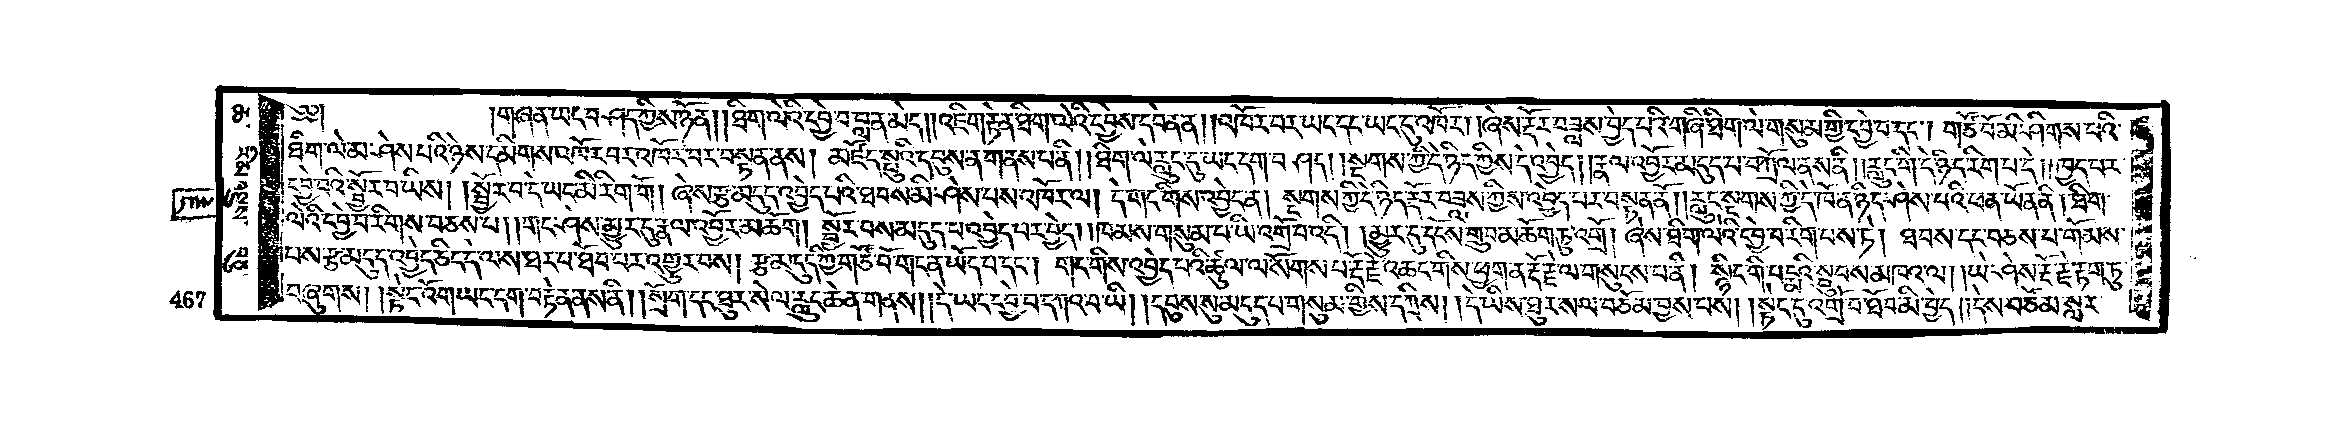༄༅། །གཞན་ཡང་བཤད་ཀྱིས་ཉོན། །ཐིག་ལེའི་དབྱེ་བ་བླ་ན་མེད། །འཇིག་རྟེན་ཐིག་ལེའི་དབྱེས་དབེན་ན། །འཁོར་བར་ཡང་དང་ཡང་དུ་འཁོར། །ཞེས་རྡོར་བཟླས་བྱེད་པའི་གཞི་ཐིག་ལེ་གསུམ་གྱི་དབྱེ་བ་དང་། གཙོ་བོ་མི་ཤིགས་པའི་
ཐིག་ལེ་མ་ཤེས་པའི་ཉེས་དམིགས་འཁོར་བར་འཁོར་བར་བསྟན་ནས། མཛོད་སྤུའི་དབུས་ན་གནས་པ་ནི། །ཐིག་ལེ་རླུང་དུ་ཡང་དག་བཤད། །སྔགས་ཀྱི་དེ་ཉིད་ཀྱིས་དེ་འབྱེད། །རྣལ་འབྱོར་མདུད་པ་བཀྲོལ་ནས་ནི། །རླུང་གི་དེ་ཉིད་རིག་པ་དེ། །ཁྱད་པར་
དབྱེ་བའི་སྦྱོར་བ་ཡིས། །སྦྱོར་བ་དེ་ཡང་མི་རིག་གོ །ཞེས་རྩ་མདུད་འབྱེད་པའི་ཐབས་མི་ཤེས་པས་འཁོར་ལ། དེ་གང་གིས་འབྱེད་ན། སྔགས་ཀྱི་དེ་ཉིད་རྡོར་བཟླས་ཀྱིས་འབྱེད་པར་བསྟན་ནོ། །རླུང་སྔགས་ཀྱི་དེ་ཁོ་ན་ཉིད་ཤེས་པའི་ཕན་ཡོན་ནི། ཐིག་
ལེའི་དབྱེ་བ་རིགས་བཅས་པ། །གང་ཤེས་མྱུར་དུ་རྣལ་འབྱོར་མཆོག །སྦྱོར་བས་མདུད་པ་འབྱེད་པར་བྱེད། །ཁམས་གསུམ་པ་ཡི་འགྲོ་བ་འདི། །མྱུར་དུ་དངོས་གྲུབ་མཆོག་ཏུ་འགྲོ། ཞེས་ཐིག་ལེའི་དབྱེ་བ་རིག་པས་ཏེ། ཐབས་དང་བཅས་པ་གོམས་
པས་རྩ་མདུད་འབྱེད་ཅིང་དེ་ལས་ཐར་པ་ཐོབ་པར་འགྱུར་བས། རྩ་མདུད་ཀྱི་གཙོ་བོ་གང་ན་ཡོད་པ་དང་། གང་གིས་འབྱེད་པའི་ཚུལ་ལ་སོགས་པ་རྡོ་རྗེ་འཆང་གིས་ཕྱག་ན་རྡོ་རྗེ་ལ་གསུངས་པ་ནི། སྙིང་གི་པདམའི་སྦུབས་མཁའ་ལ། །ཡེ་ཤེས་རྡོ་རྗེ་རྟག་ཏུ་
བཞུགས། །སྟེང་འོག་ཡང་དག་བརྟེན་ནས་ནི། །སྲོག་དང་ཐུར་སེལ་རླུང་ཆེན་གནས། །དེ་ཡང་དབྱེ་བ་དཀའ་བ་ཡི། །དབུས་སུ་མདུད་པ་གསུམ་གྱིས་དཀྲིས། །དེ་ཡིས་ཐུར་སེལ་བཅོམ་བྱས་པས། །སྟེང་དུ་འགྲོ་བ་ཐོབ་མི་བྱེད། །དེས་བཅོམ་སླར་